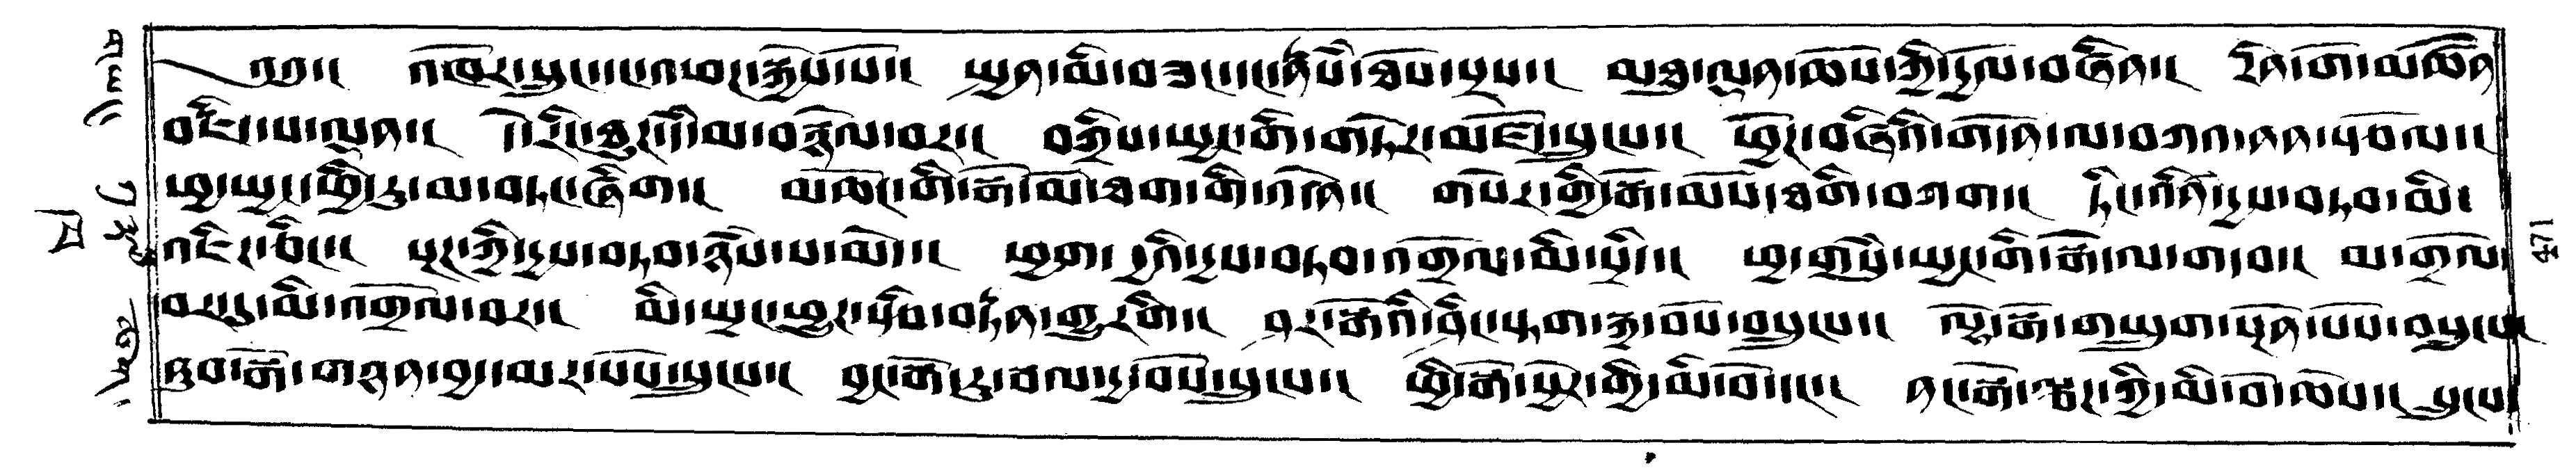འཁོར་སྲུང་དང་འཕགས་སྐྱེས་པོ། །སྤྱན་མི་བཟང་དང་རྣམ་ཐོས་སྲས། །མཐུ་ལྡན་ཆོས་ཀྱི་རྒྱལ་པོ་བཞི། །རིན་ཆེན་གོ་མཚོན་
བརྗིད་པ་ལྡན། །དེ་རིང་ཐུགས་དམ་མ་བསྙེལ་བར། །བཀྲ་ཤིས་གཡང་གི་གཏེར་མཛོད་སྲུངས། །ཕྱོགས་བཞིའི་གདོན་ལ་བཀའ་ནན་སྩོལ། །
ཕྱྭ་གཡང་ཕྱི་རུ་མ་བཏང་ཞིག །མཆོང་གི་སྒོ་མོས་ཐག་གི་ས་གནོན། །གསེར་གྱི་སྒོ་མོས་ཐག་གིས་བཀག །ཏིང་འཛིན་རྒྱས་བཏབ་མི་
འཇིག་ཅིང་། སྔགས་ཀྱི་རྒྱས་བཏབ་ཉམས་པ་མེད། །ཕྱག་རྒྱའི་རྒྱས་བཏབ་འགྲོལ་མི་སྲིད། །ཕྱྭ་གསུམ་གཡང་གི་སྒོ་ལ་གདབ། །མ་གྲོལ་
བར་དུ་མི་འགྲོལ་བར། །མི་གཡང་ཕྱུགས་རྩི་བརྟན་གྱུར་ཅིག །ཤར་སྒོ་ཤིང་སྟག་སྐྱ་བོས་སྲུངས། །ལྷོ་སྒོ་གཡུ་འབྲུག་སྔོན་པོས་སྲུངས། །
ནུབ་སྒོ་གཉན་བྱ་དམར་པོས་སྲུངས། །བྱང་སྒོ་རུས་སྦལ་རྒྱ་བོས་སྲུངས། །ཕྱི་སྒོ་གསེར་གྱི་མི་བོ་དང་། །ནང་སྒོ་ལྕགས་ཀྱི་མི་བོ་ཆེས། །སྲུངས་